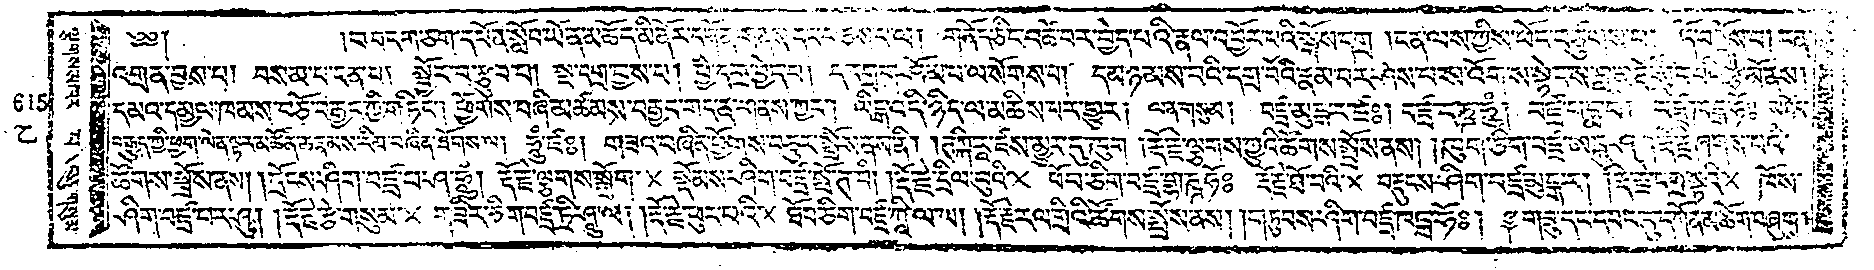༄༅། །བ་བདག་ཅག་དཔོན་སློབ་ཡོན་མཆོད་མི་ནོར་དགོན་གནས་དང་བཅས་པ་ལ། གནོད་ཅིང་འཚེ་བར་བྱེད་པའི་རྣལ་འབྱོར་པའི་སྒོས་དགྲ་།ངན་ལས་ཀྱིས་ཕོད་བཙུགས་པ། དོ་བསྡོས་པ། ངན་
འགྲན་བྱས་པ། བསམ་པ་ངན་པ། སྦྱོར་བ་རྩུབ་པ། སྔ་དགྲ་བྱས་པ། ཕྱི་དགྲ་བྱེད་པ། ད་དགྲ་གཤོམ་པ་ལ་སོགས་པ། དམ་ཉམས་པའི་དགྲ་བོའི་རྣམ་པར་ཤེས་པ་ས་འོག་ས་སྟེང་ས་བླ་མཐོ་སྲིད་པའི་རྩེ་མོ་ནས།
དམའ་དམྱལ་ཁམས་བཅོ་བརྒྱད་ཀྱི་གཏིང་། ཕྱོགས་བཞི་མཚམས་བརྒྱད་གང་ན་གནས་ཀྱང་། ལིངྒ་འདི་ཉིད་ལ་མཆིས་པར་གྱུར། ལན་གསུམ།  བཛྲ་མུདག་ར་ཛཿ། བཛྲ་དཎྜ་ཧཱུཾ། བཛྲ་པདམ་པཾ། བཛྲ་ཁངྒ་ཧོཿ མཐོང་
བརྒྱུད་ཀྱི་ཕྱག་ལེན་ལྟར་མཚོན་ཆ་རྣམས་རིམ་བཞིན་ཐོགས་ལ། ཧཱུཾ་ཛཿ། གཟའ་བཞིན་ཕྱོགས་བཅུར་སྤྲོས་ནས་ནི། །ཊཀྐི་རཱ་ཛས་མྱུར་དུ་ཁུག །རྡོ་རྗེ་ལྕགས་ཀྱུའི་ཚོགས་སྤྲོས་ནས། །ཁུག་ཅིག་བཛྲ་ཨདཀུ་ཤ་།རྡོ་རྗེ་ཞགས་པའི་
ཚོགས་སྦྲོས་ནས། །དྲོངས་ཤིག་བཛྲ་པ་ཤ་ཧཱུཾ། རྡོ་རྗེ་ལྕགས་སྒྲོག་྾་སྡོམས་ཤིག་བཛྲ་སྥོ་ཊ་བཾ། །རྡོ་རྗེ་དྲིལ་བུའི་྾་ཕོབ་ཅིག་བཛྲ་གྷཎྜ་ཧོཿ རྡོ་རྗེ་ཐོ་བའི་྾་བརྡུངས་ཤིག་བཛྲ་མུངྒ་ར། །རྡོ་རྗེ་དགྲ་སྟའི་྾་ཁོས་
ཤིག་བཛྲ་པར་ཤུ། །རྡོ་རྗེ་རྩེ་གསུམ་྾་གཟིར་ཅིག་བཛྲ་ཏྲི་ཤཱུ་ལ། །རྡོ་རྗེ་ཕུར་པའི་྾་ཐོབ་ཅིག་བཛྲ་ཀཱི་ལ་ཡ། །རྡོ་རྗེ་རལ་གྲིའི་ཚོགས་སྤྲོས་ནས། །གཏུབས་ཤིག་བཛྲ་ཁངྒ་ཧོཿ། འ་གཟུ་དང་དབང་དུ་དཀོན་མཆོག་བཞུགས་།